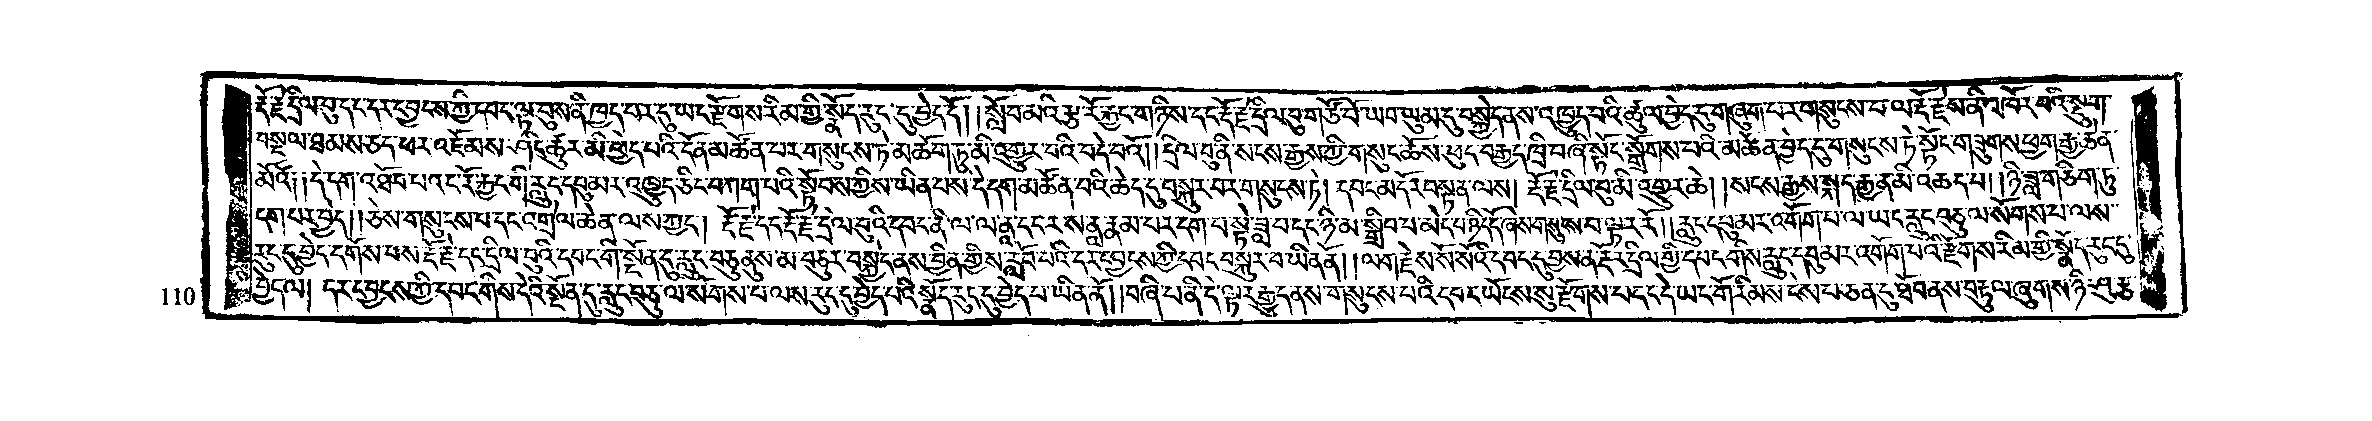རྡོ་རྗེ་དྲིལ་བུ་དང་དར་དབྱངས་ཀྱི་དབང་ལྟ་བུས་ནི་ཁྱད་པར་དུ་ཡང་རྫོགས་རིམ་གྱི་སྣོད་རུང་དུ་བྱེད་དོ། །སློབ་མའི་རྩ་རོ་རྐྱང་གཉིས་དང་རྡོ་རྗེ་དྲིལ་བུ་གཙོ་བོ་ཡབ་ཡུམ་དུ་བསྐྱེད་ནས་འཁྱུད་པའི་ཚུལ་བྱེད་དུ་གཞུག་པར་གསུངས་པ་ལ་རྡོ་རྗེས་ནི་འཁོར་བའི་སྡུག་
བསྔལ་ཐམས་ཅད་ཕར་འཇོམས་ཤིང་ཚུར་མི་ཕྱེད་པའི་དོན་མཚོན་པར་གསུངས་ཏེ་མཆོག་ཏུ་མི་འགྱུར་བའི་བདེ་བའོ། །དྲིལ་བུ་ནི་སངས་རྒྱས་ཀྱི་གསུང་ཆོས་ཕུང་བརྒྱད་ཁྲི་བཞི་སྟོང་སྒྲོགས་པའི་མཚོན་བྱེད་དུ་གསུངས་ཏེ་སྟོང་གཟུགས་ཕྱག་རྒྱ་ཆེན་
མོའོ༑ ༑དེ་དག་འཐོབ་པའང་རོ་རྐྱང་གི་རླུང་དབུ་མར་འཁྱུད་ཅིང་བཀག་པའི་སྟོབས་ཀྱིས་ཡིན་པས་དེ་དག་མཚོན་པའི་ཆེད་དུ་བསྐུར་བར་གསུངས་ཏེ། དབང་མདོར་བསྟན་ལས། རྡོ་རྗེ་དྲིལ་བུ་མི་འགྱུར་ཆེ། །སངས་རྒྱས་སྐད་རྒྱན་མི་འཆད་པ། །ཉི་ཟླ་གཅིག་ཏུ་
དག་པར་བྱེད། །ཅེས་གསུངས་པ་དང་འགྲེལ་ཆེན་ལས་ཀྱང་། རྡོ་རྗེ་དང་རྡོ་རྗེ་དྲིལ་བུའི་དབང་ནི་ལ་ལ་ནཱ་དང་ར་ས་ནཱ་རྣམ་པར་དག་པ་སྟེ་ཟླ་བ་དང་ཉི་མ་སྒྲིབ་པ་མེད་པ་ཉིད་དོ་ཞེས་གསུངས་པ་ལྟར་རོ། །རླུང་དབུ་མར་འགོག་པ་ལ་ཡང་རླུང་བཅུ་ལ་སོགས་པ་ལས་
རུང་དུ་བྱེད་དགོས་པས་རྡོ་རྗེ་དང་དྲིལ་བུའི་དབང་གི་སྔོན་དུ་རླུང་བཅུ་ནུས་མ་བཅུར་བསྐྱེད་ནས་བྱིན་གྱིས་རློབ་པའི་དར་དབྱངས་ཀྱི་དབང་བསྐུར་བ་ཡིན་ནོ། །ལག་རྗེས་སོ་སོའི་དབང་དུ་བྱས་ན་རྡོར་དྲིལ་གྱི་དབང་གིས་རླུང་དབུ་མར་འགོག་པའི་རྫོགས་རིམ་གྱི་སྣོད་རུང་དུ་
བྱེད་ལ། དར་དབྱངས་ཀྱི་དབང་གིས་དེའི་སྔོན་དུ་རླུང་བཅུ་ལ་སོགས་པ་ལས་རུང་དུ་བྱེད་པའི་སྣོད་རུང་དུ་བྱེད་པ་ཡིན་ནོ། །བཞི་པ་ནི་དེ་ལྟར་རྒྱུད་ནས་གསུངས་པའི་དབང་ཡོངས་སུ་རྫོགས་པ་དང་དེ་ཡང་གོ་རིམས་ངེས་པ་ཅན་དུ་ཐོབ་ནས་བརྟུལ་ཞུགས་ཉི་ཤུ་རྩ་